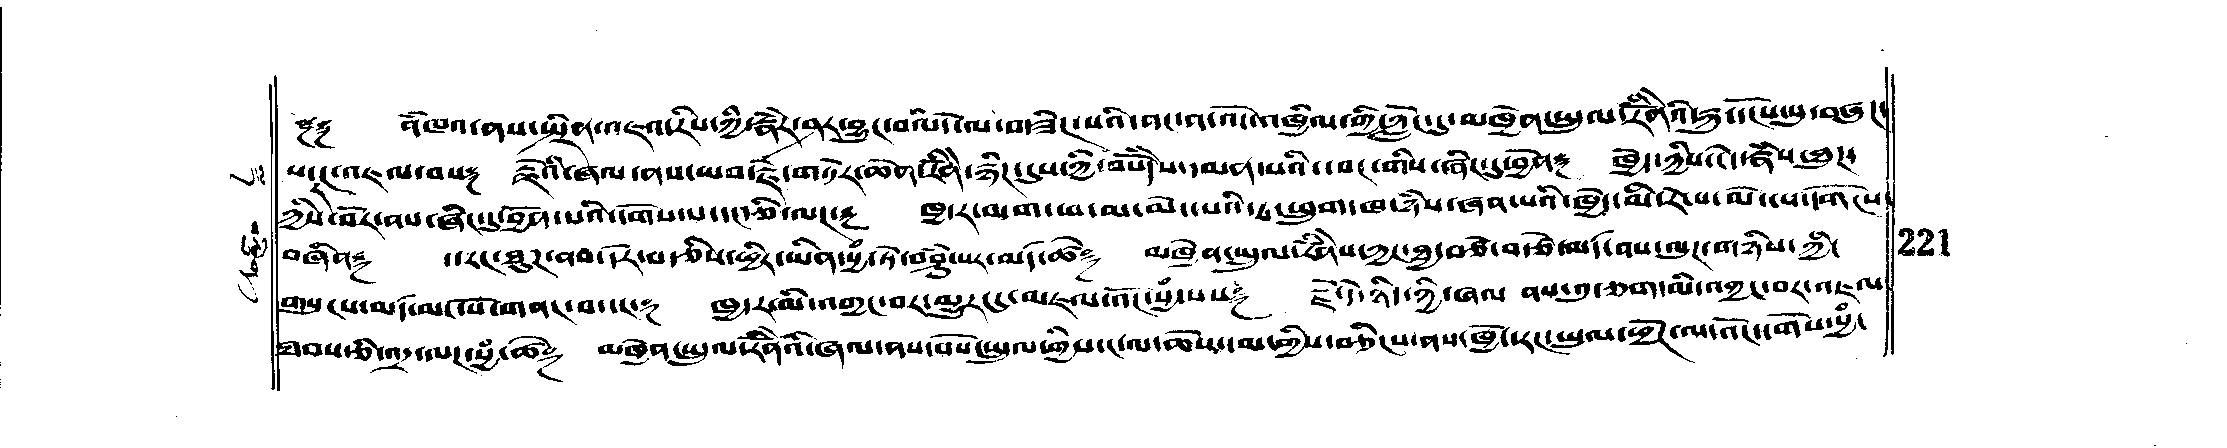ནམ་མཁའ་ནས་སྤྲིན་འཇའ་རིས་ཀྱི་རྣམ་པར་ཤར་བྱུང་བའི་དེ་ལ་གཟིགས་པའི་ནང་ན་འོད་འཁྱིལ་གྱི་ཀློང་དུ་མཁྱེན་སྤྲུལ་རིན་པོ་ཆེའི་སྐུ་དངོས་སུ་བཞུགས་
པ་རང་མཇལ་བས། རྗེའི་ཞལ་ནས་ཡབ་རྗེ་གཏེར་ཆེན་རིན་པོ་ཆེ་སྙིགས་དུས་ཀྱི་བསོད་ནམས་དམན་པའི་དབང་གིས་ཞིང་དུ་བྱོན། ཁྱོད་ཀྱིས་ངེད་རྣམས་ཐུགས་
ཀྱིས་བོར་ནས་ཞིང་དུ་བྱོན་པའི་དགོས་པ་ཅི་ལགས། ཁྱད་པར་བདག་ཕ་མ་མེད་པའི་དྭ་ཕྲུག་ཁ་ཉམས་ཞན་པའི་ཁྱེད་མི་༼མིན?༽རེ་ས་མེད་པ་དགོངས་
བཞིན། ང་རང་ཐུགས་ནས་དོར་བ་ཅིས་ཕྱིར་ཡིན་གསུངས་ཏེ་བཤུམ་པར་མཛད་ཚེ། མཁྱེན་སྤྲུལ་རིན་པོ་ཆེས་ཀྱང་ཐུགས་བརྩེ་བརྩེ་མཛད་ནས་ལུགས་གཉིས་ཀྱི་
གསུངས་མཛད་མང་པོ་གནང་བ་དང་། ཁྱད་པར་མི་འགྱང་བར་མྱུར་དུ་མཇལ་དུ་མཇལ་འོང་གསུང་པས། རྗེ་དེ་ཉིད་ཀྱི་ཞལ་ནས་འུ་ཅག་མི་འགྱང་བར་མཇལ་
ཐབས་ཅི་འདྲ་ལགས་གསུང་ཚེ། མཁྱེན་སྤྲུལ་རིན་པོ་ཆེའི་ཞལ་ནས་བསོ་སྤྲུལ་གྱིས་ང་ལ་ཆོས་༼ཆེས?༽དམ་གྱིས་བཅིངས་ནས་ཁྱོད་རང་ཡུལ་ཕྱོགས་ལ་འོང་དགོས་གསུང་